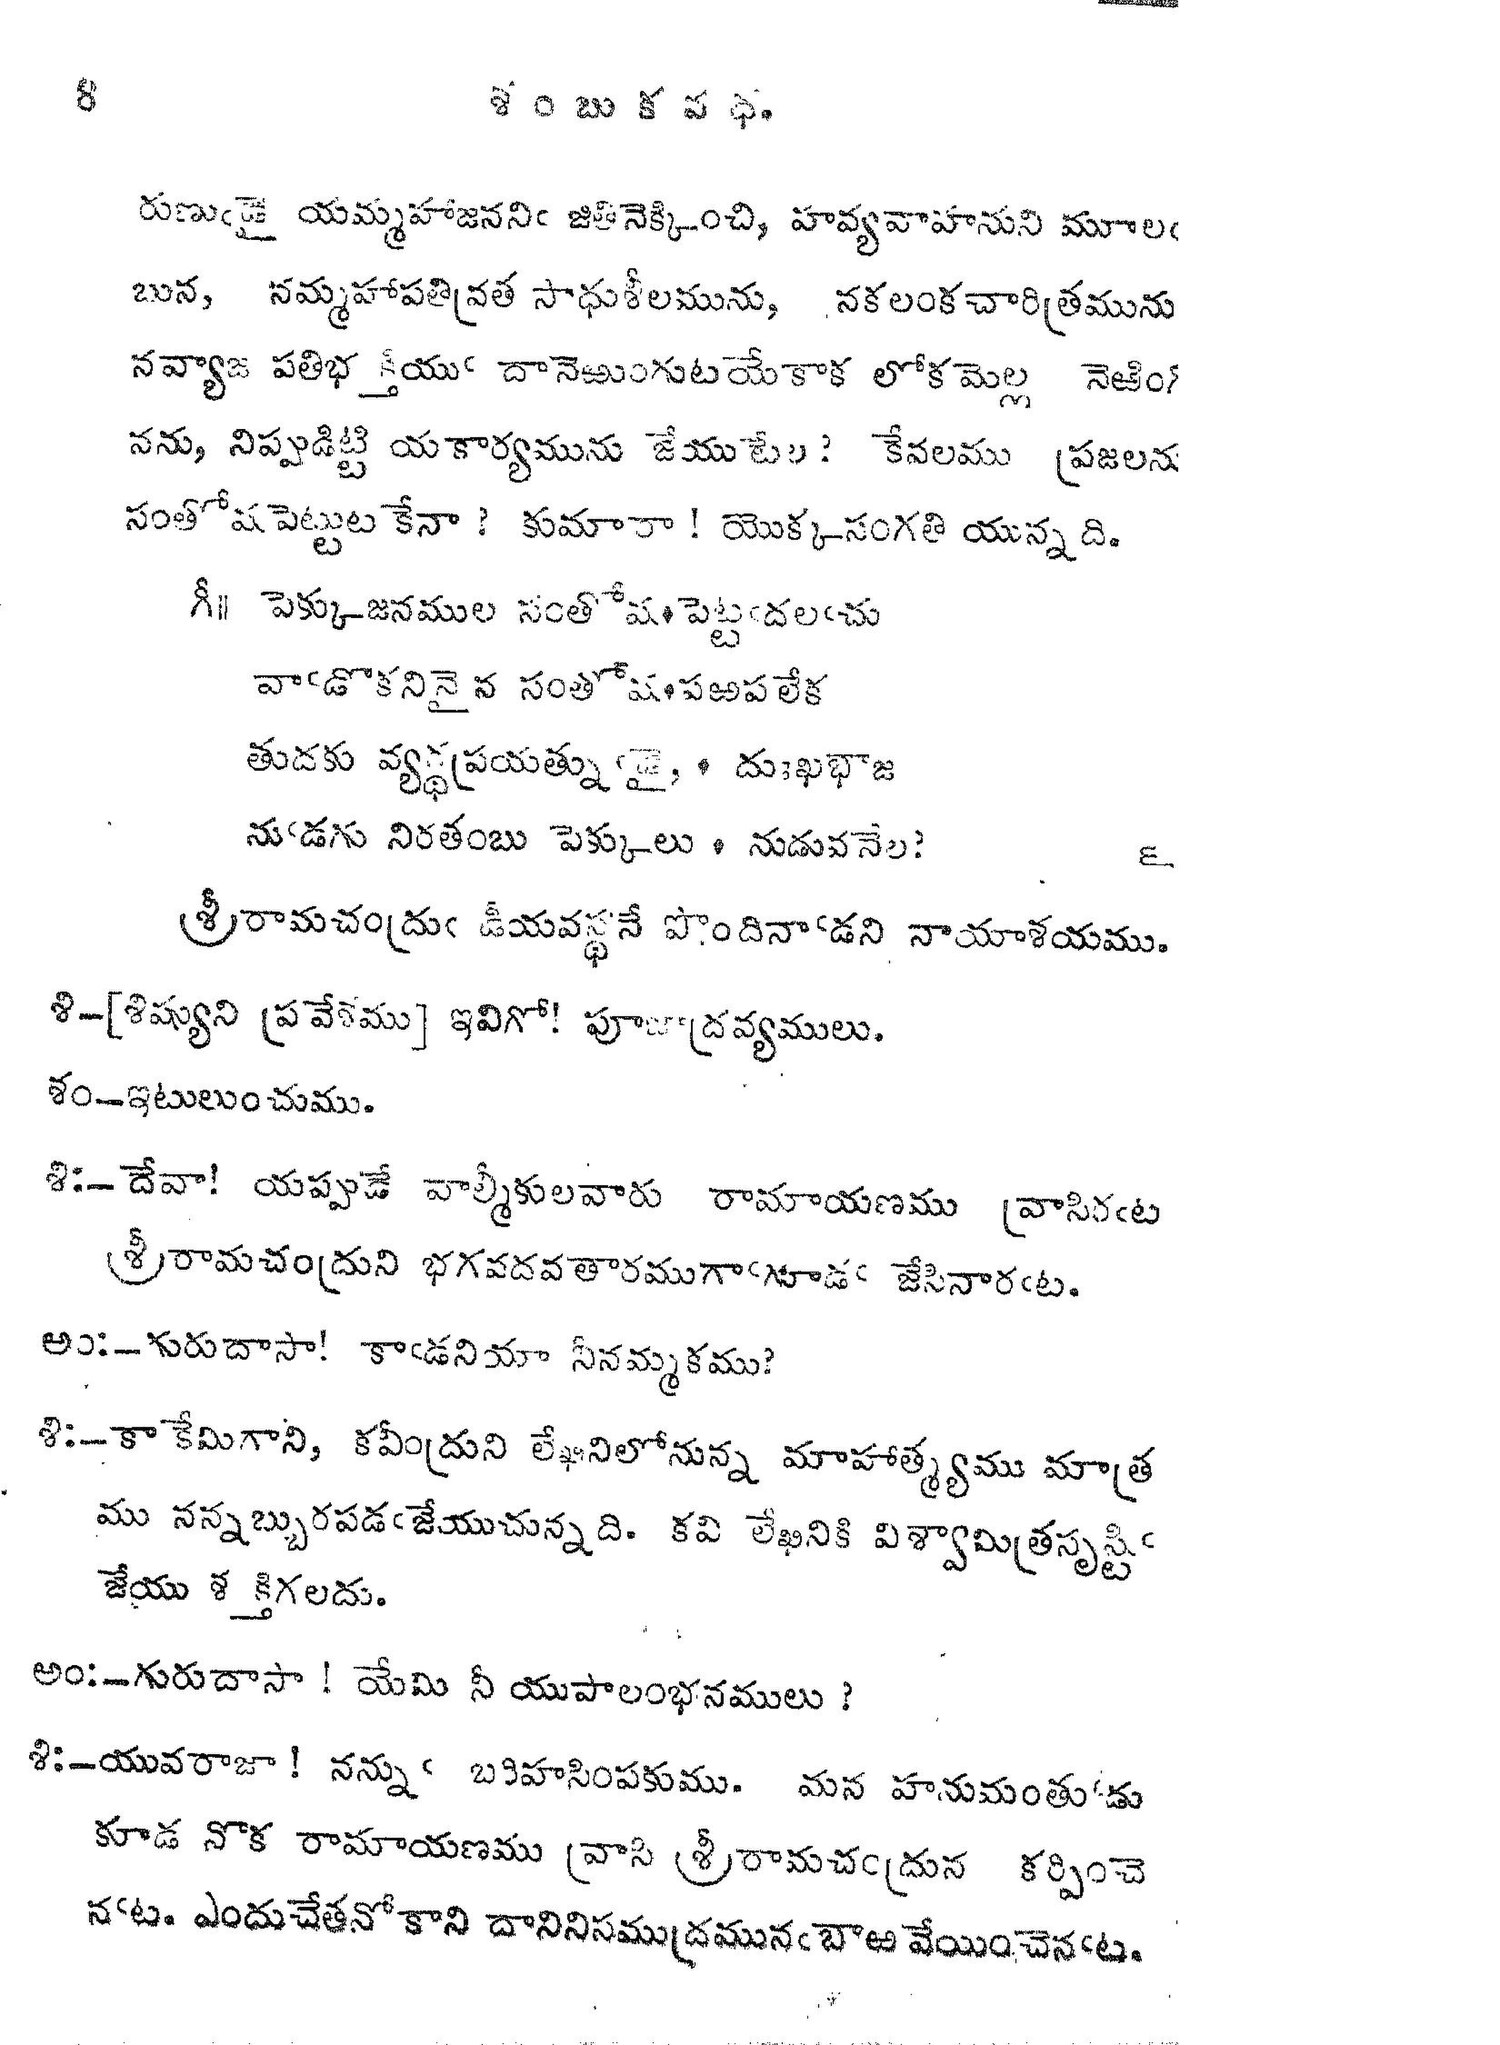రుణుఁ యమ్మహాజననిఁ జితి నెక్కించి, హవ్యవాహనుని మూలఁ
 బున, నమ్మహా పతివ్రత సాధుశీలమును, నకలంక చారిత్రమును
 నవ్యాజ పతిభక్తియుఁ దానెఱుంగుటయే కాక లోక మెల్ల నెఱింగి
 నను, నిప్పుడిట్టి యకార్యమునుజేయు టేల. కేవలము ప్రజలను 
 సంతోష పెట్టుట కేనా ! కుమారా ! యొక్క సంగతి యున్నది.

గీ; పెక్కు జనముల సంతోష పెట్టఁదలఁచు
 వాడొకనినైన సంతోష పఱుప లేక
 తుదకు వ్యర్థ ప్రయత్ను 2 , • దుఃఖభాజు
 నుఁడగు నిరతంబు పెక్కులు , నుడువ నేల?

 శ్రీరామచంద్రుఁ డీయవస్థనే పొందినాడని నాయాశయము.

శి - శిష్యుని ప్రవేశము ) ఇవిగో! పూజాద్రవ్యములు.

శం-ఇటులుంచుము.

శి:- దేవా! యప్పుడే వాల్మీకులవారు రామాయణము వ్రాసికఁట
 శ్రీరామచంద్రుని భగవదవ తారముగాఁకడఁ జేసినారట.

అం:గురుదాసా! కాడనియా నీనమ్మకము?

శి:- కాకేమిగాని, కవీంద్రుని లేఖనిలో నున్న మాహాత్మ్యము మాత్ర
 ము నన్నబ్బురపడఁజేయు చున్నది. కవి లేఖనికి విశ్వామిత్ర సృష్టిఁ
 జేయు శక్తిగలదు.

అం: గురుదాసా ! యేమి నీ యుపాలంభనములు ?

శి:- యువరాజా ! నన్ను బరిహసింపకుము. మన హనుమంతుడు
 కూడ నొక రామాయణము వ్రాసి శ్రీరామచంద్రున కర్పించె 
 నట. ఎందు చేతనో కాని దానిని సముద్రమునఁ బాఱ వేయించెనట.